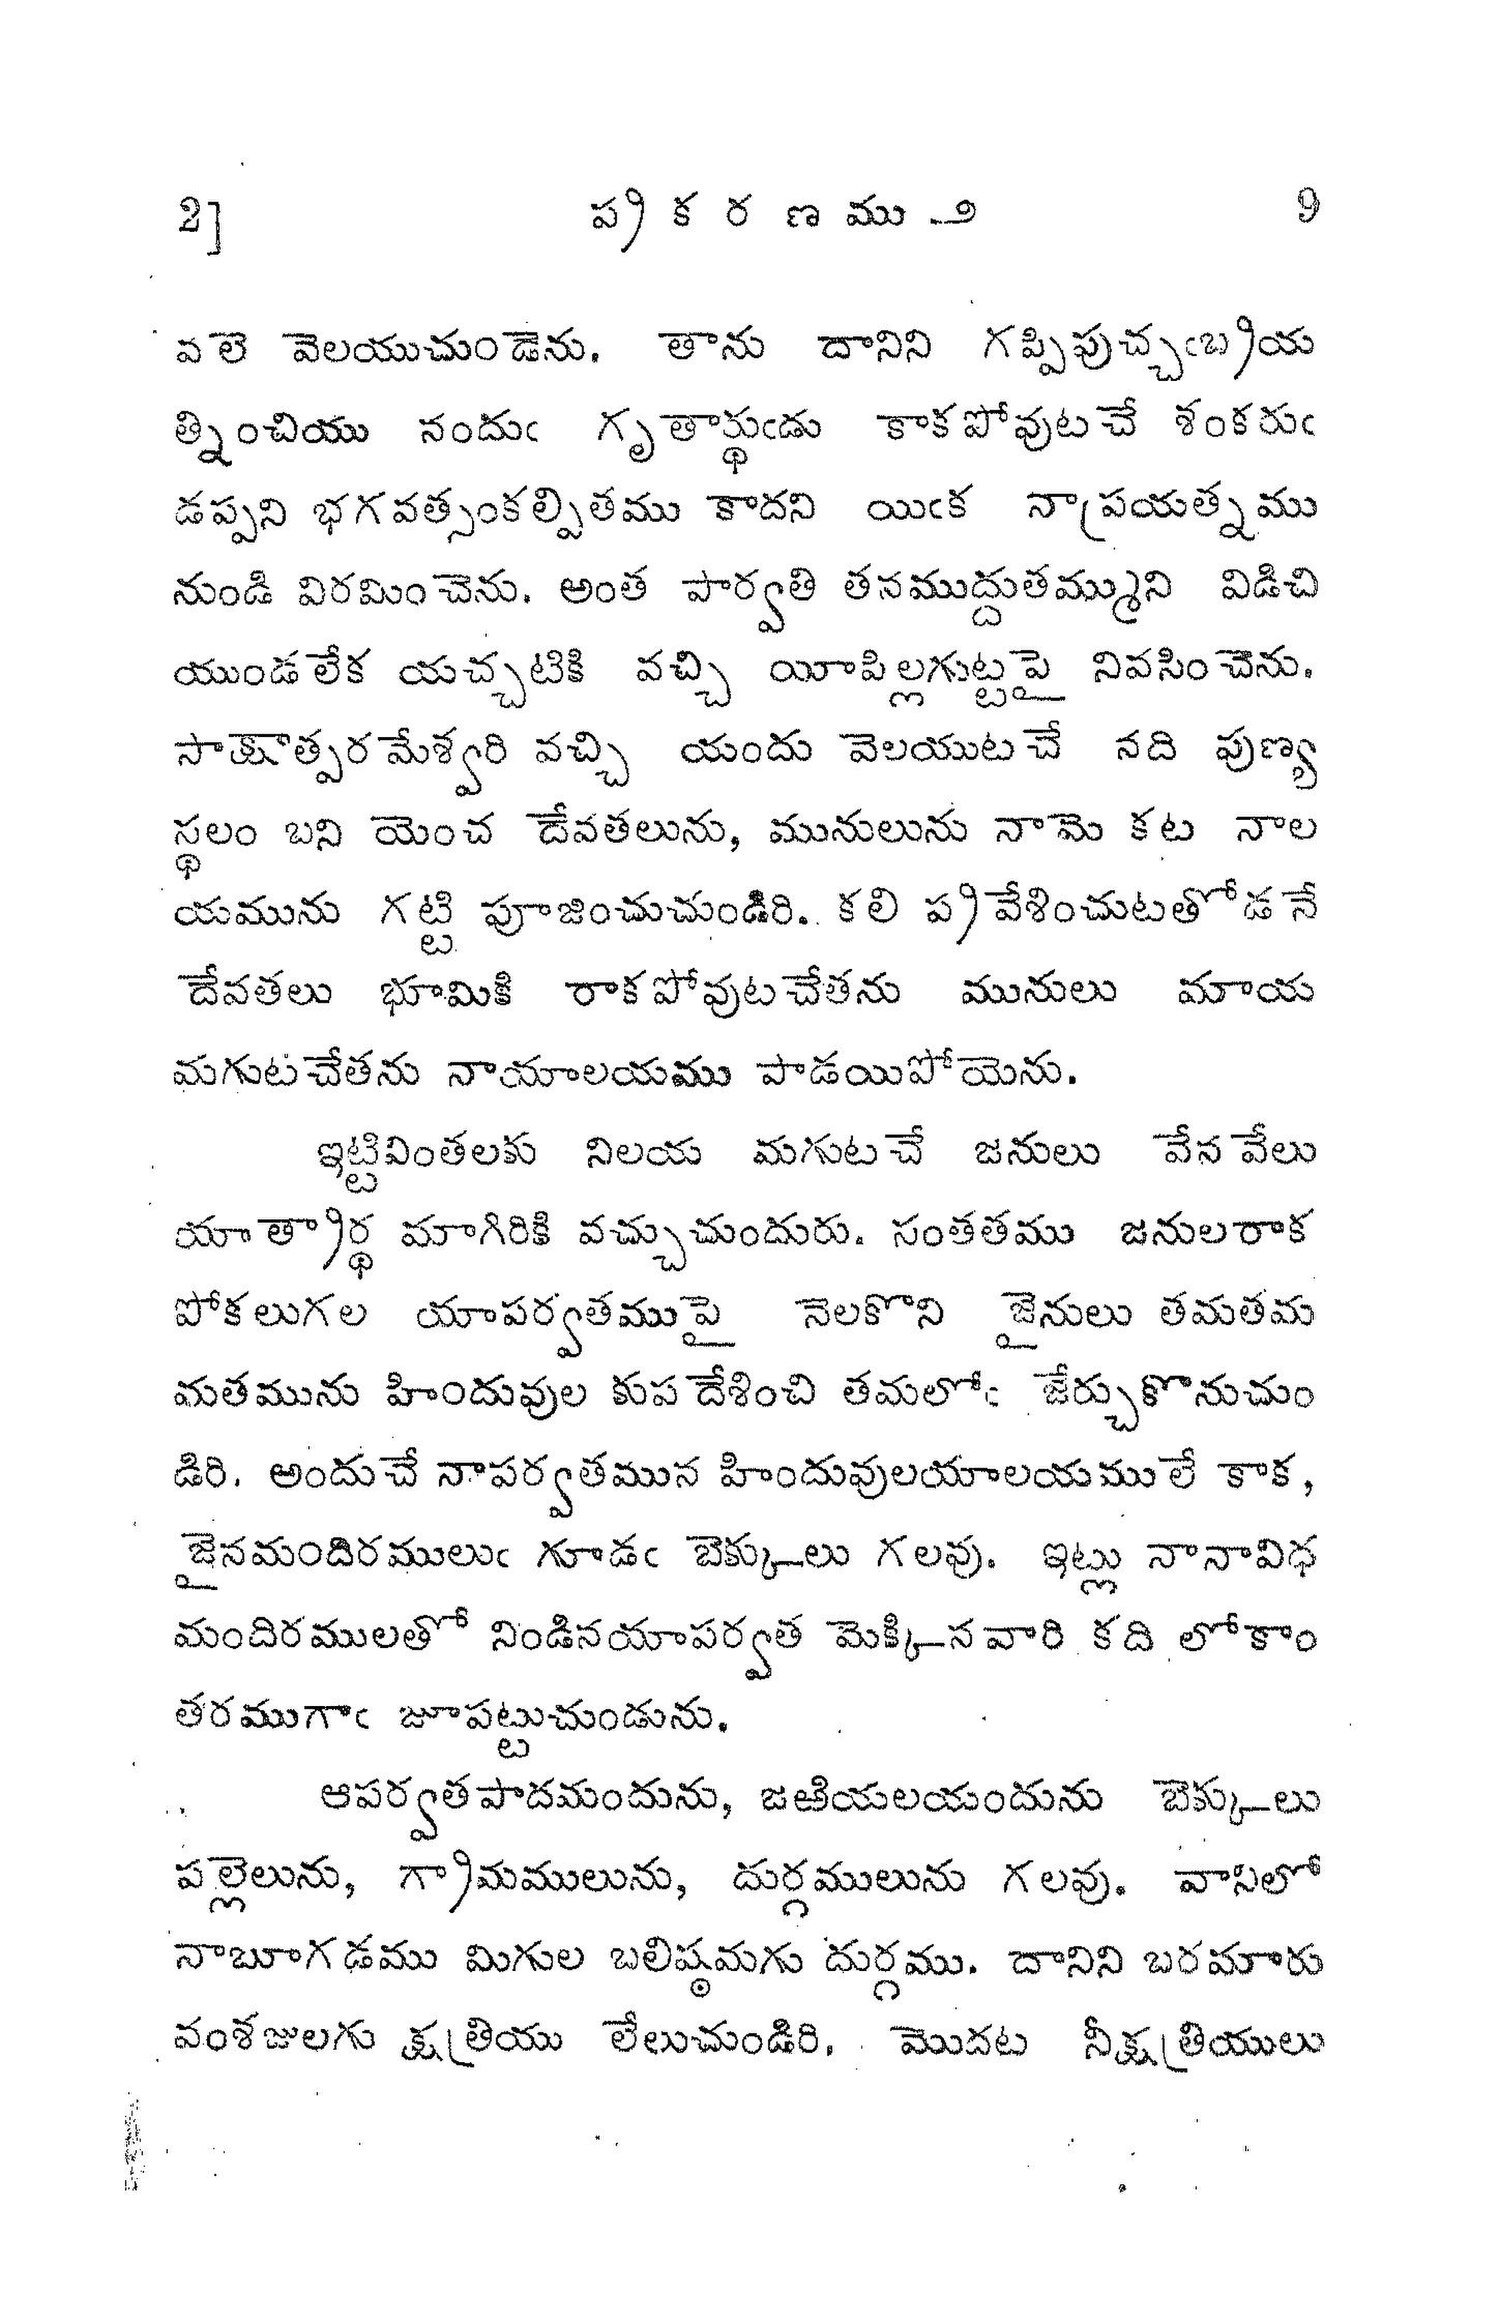వలె వెలయుచుండెను. తాను దానిని గప్పిపుచ్చఁబ్రయత్నించియు నందుఁ గృతార్థుఁడు కాకపోవుటచే శంకరుఁ డప్పని భగవత్సంకల్పితము కాదని యిఁక నాప్రయత్నము నుండి విరమించెను. అంత పార్వతి తనముద్దుతమ్ముని విడచి యుండలేక యచ్చటికి వచ్చి యీపిల్లగుట్టపై నివసించెను. సాక్షాత్పరమేశ్వరి వచ్చి యందు వెలయుటచే నది పుణ్యస్థలం బని యెంచ దేవతలును, మునులును నామె కట నాలయమును గట్టి పూజించుచుండిరి. కలి ప్రవేశించుటతోడనే దేవతలు భూమికి రాకపోవుటచేతను మునులు మాయమగుటచేతను నాయాలయము పాడయిపోయెను. 

ఇట్టి వింతలకు నిలయ మగుటచే జనులు వేనవేలు యాత్రార్థ మాగిరికి వచ్చుచుందురు. సంతతము జనులరాకపోకలుగల యాపర్వతముపై నెలకొని జైనులు తమతమమతమును హిందువుల కుపదేశించి తమలో జేర్చుకొనుచుండిరి. అందుచే నాపర్వతమున హిందువులయాలయము లే కాక, జైనమందిరములుఁ గూడఁ బెక్కులు గలవు. ఇట్లు నానావిధమందిరములతో నిండినయాపర్వత మెక్కిన వారి కది లోకాంతరముగాఁ జూపట్టుచుండును.

ఆపర్వతపాదమందును, జఱియలయందును బెక్కులు పల్లెలును, గ్రామములును, దుర్గములును గలవు. వానిలో నాబూగడము మిగుల బలిష్ఠమగు దుర్గము. దానిని బరమారు వంశజులగు క్షత్రియు లేలుచుండిరి. మొదట నీక్షత్రియులు